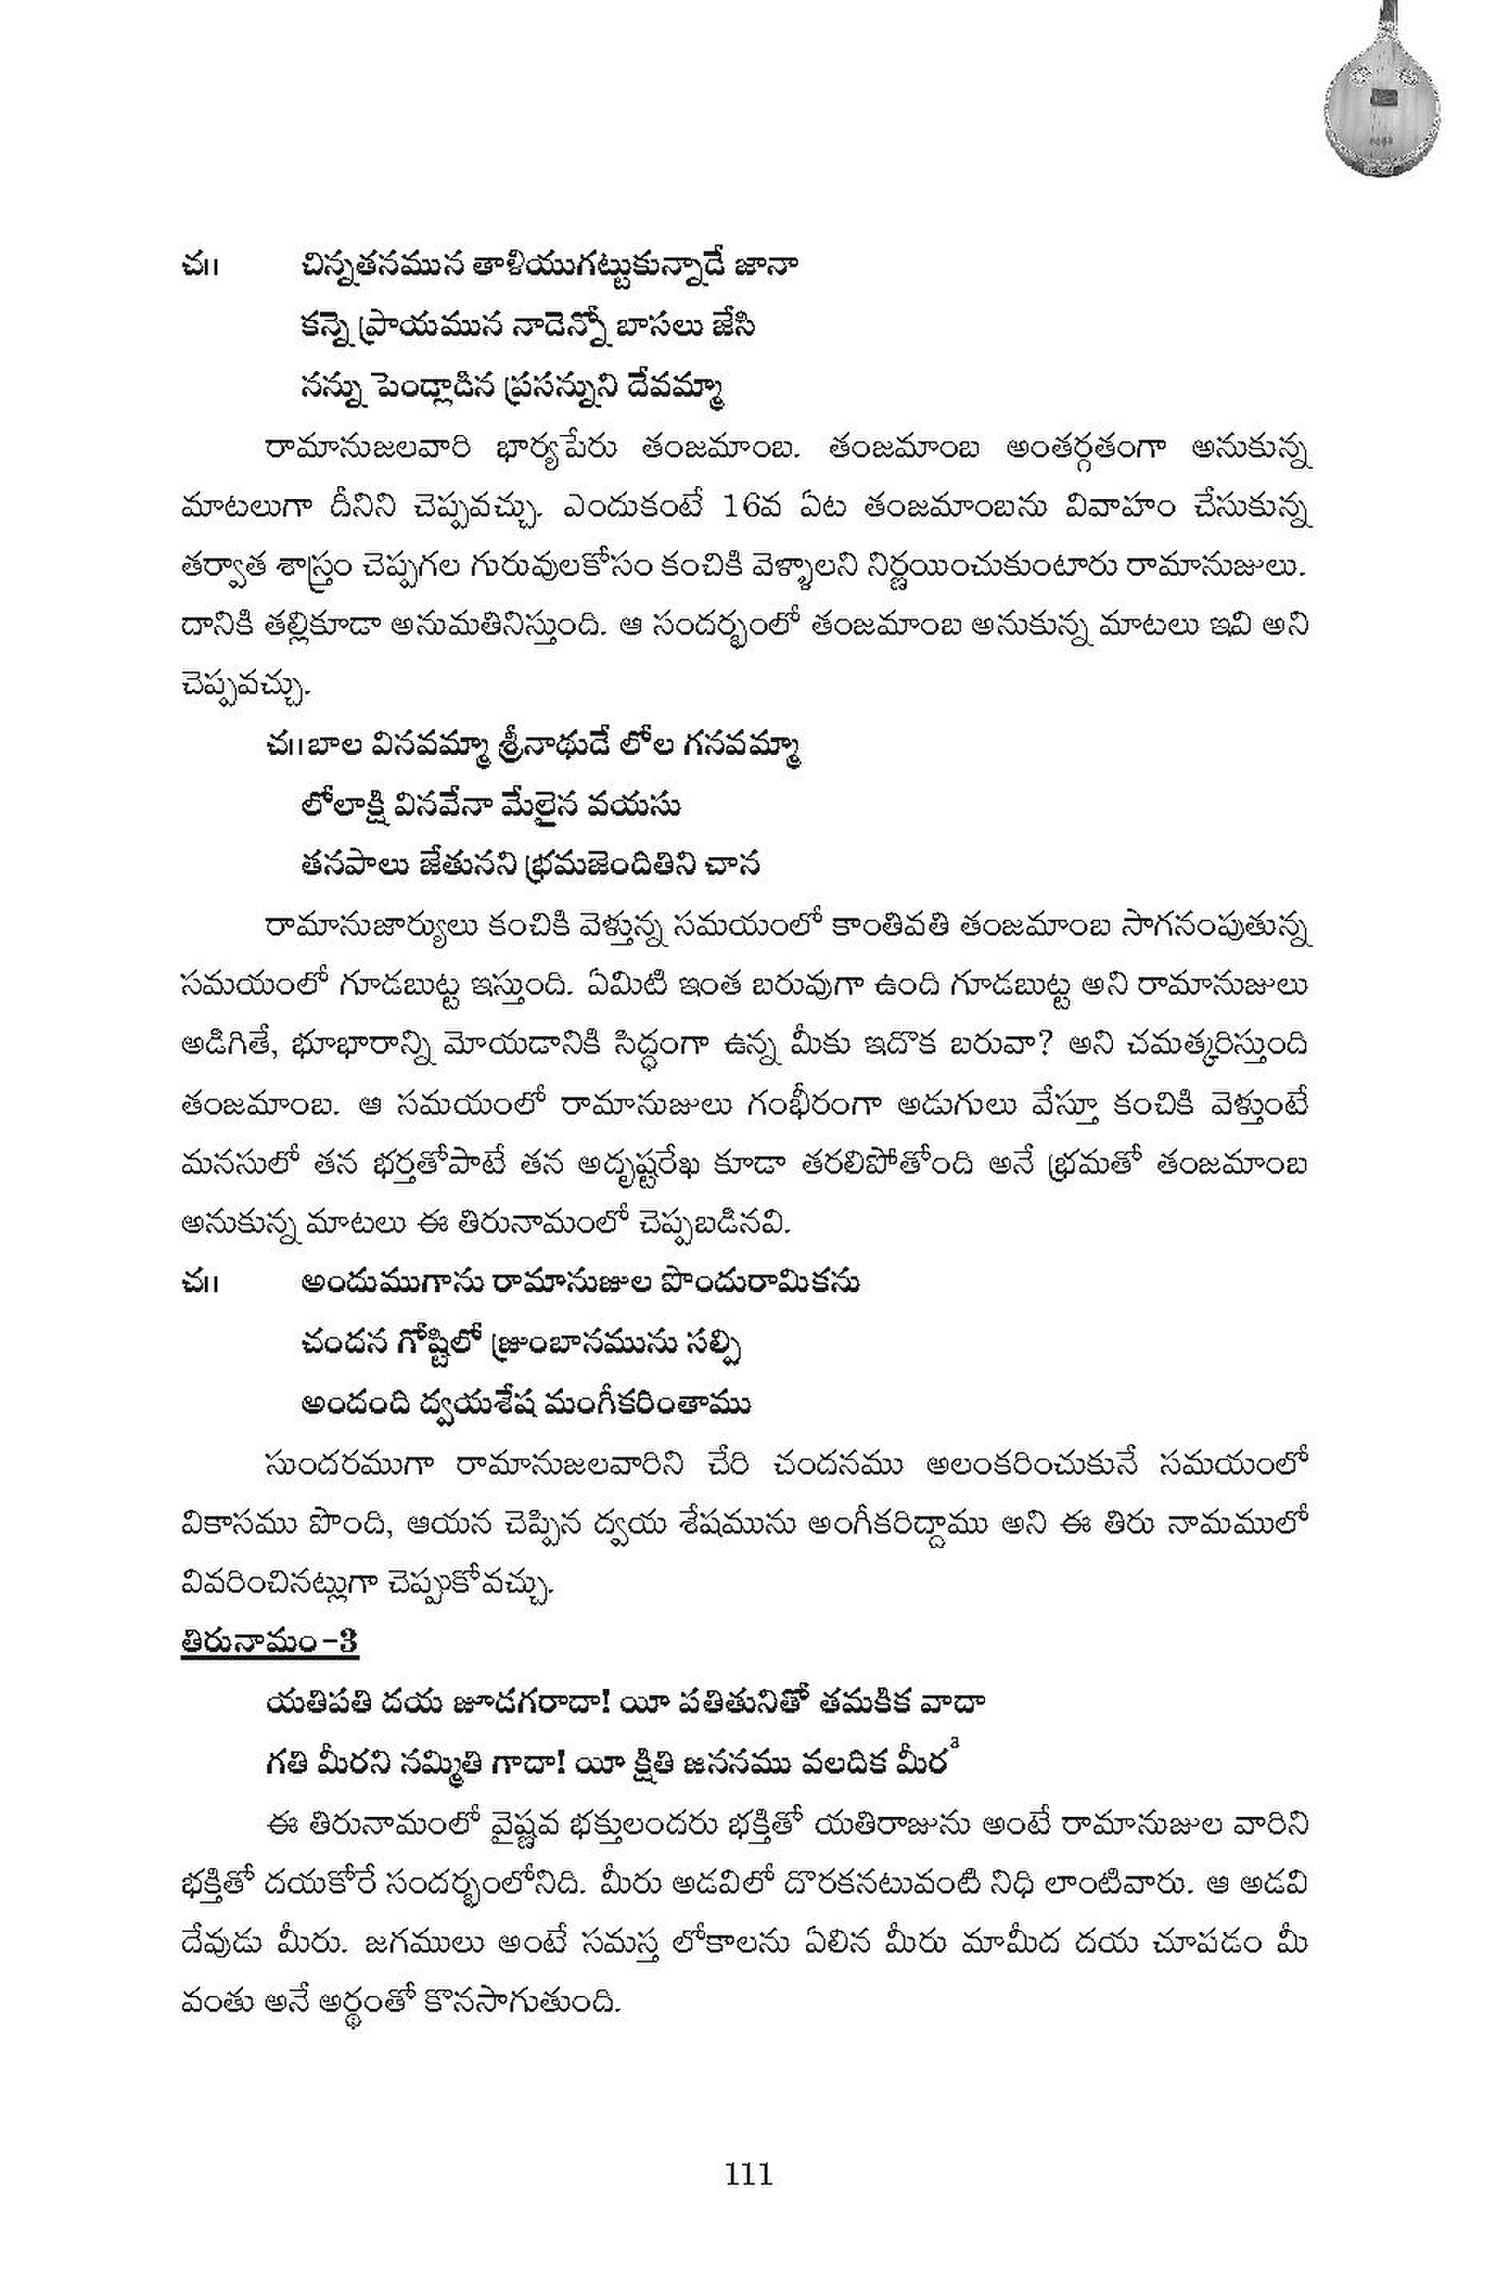చ౹౹ చిన్నతనమున తాళియుగట్టుకున్నాడే జానా
కన్నె ప్రాయమున నాడెన్నో బాసలు జేసి
నన్ను పెండ్లాడిన ప్రసన్నుని దేవమ్మా

రామానుజలవారి భార్యపేరు తంజమాంబ. తంజమాంబ అంతర్గతంగా అనుకున్న మాటలుగా దీనిని చెప్పవచ్చు. ఎందుకంటే 16వ ఏట తంజమాంబను వివాహం చేసుకున్న తర్వాత శాస్త్రం చెప్పగల గురువులకోసం కంచికి వెళ్ళాలని నిర్ణయించుకుంటారు రామానుజులు. దానికి తల్లికూడా అనుమతినిస్తుంది. ఆ సందర్భంలో తంజమాంబ అనుకున్న మాటలు ఇవి అని చెప్పవచ్చు.

చ౹౹ బాల వినవమ్మా శ్రీనాథుడే లోల గనవమ్మా
లోలాక్షి వినవేనా మేలైన వయసు
తనపాలు జేతునని భ్రమజెందితిని చాన

రామానుజార్యులు కంచికి వెళ్తున్న సమయంలో కాంతివతి తంజమాంబ సాగనంపుతున్న సమయంలో గూడబుట్ట ఇస్తుంది. ఏమిటి ఇంత బరువుగా ఉంది గూడబుట్ట అని రామానుజులు అడిగితే, భూభారాన్ని మోయడానికి సిద్ధంగా ఉన్న మీకు ఇదొక బరువా? అని చమత్కరిస్తుంది తంజమాంబ. ఆ సమయంలో రామానుజులు గంభీరంగా అడుగులు వేస్తూ కంచికి వెళ్తుంటే మనసులో తన భర్తతోపాటే తన అదృష్టరేఖ కూడా తరలిపోతోంది అనే భ్రమతో తంజమాంబ
అనుకున్న మాటలు ఈ తిరునామంలో చెప్పబడినవి.

చ౹౹ అందుముగాను రామానుజుల పొందురామికను
చందన గోష్టిలో జుంబానమును సల్పి
అందంది ద్వయశేష మంగీకరింతాము

సుందరముగా రామానుజలవారిని చేరి చందనము అలంకరించుకునే సమయంలో వికాసము పొంది, ఆయన చెప్పిన ద్వయ శేషమును అంగీకరిద్దాము అని ఈ తిరు నామములో వివరించినట్లుగా చెప్పుకోవచ్చు.

తిరునామం-3

యతిపతి దయ జూడగరాదా! యీ పతితునితో తమకిక వాదా
గతి మీరని నమ్మితి గాదా! యీ క్షితి జననము వలదిక మీర3

ఈ తిరునామంలో వైష్ణవ భక్తులందరు భక్తితో యతిరాజును అంటే రామానుజుల వారిని భక్తితో దయకోరే సందర్భం లోనిది. మీరు అడవిలో దొరకనటువంటి నిధి లాంటివారు. ఆ అడవి దేవుడు మీరు. జగములు అంటే సమస్త లోకాలను ఏలిన మీరు మామీద దయ చూపడం మీ వంతు అనే అర్థంతో కొనసాగుతుంది.